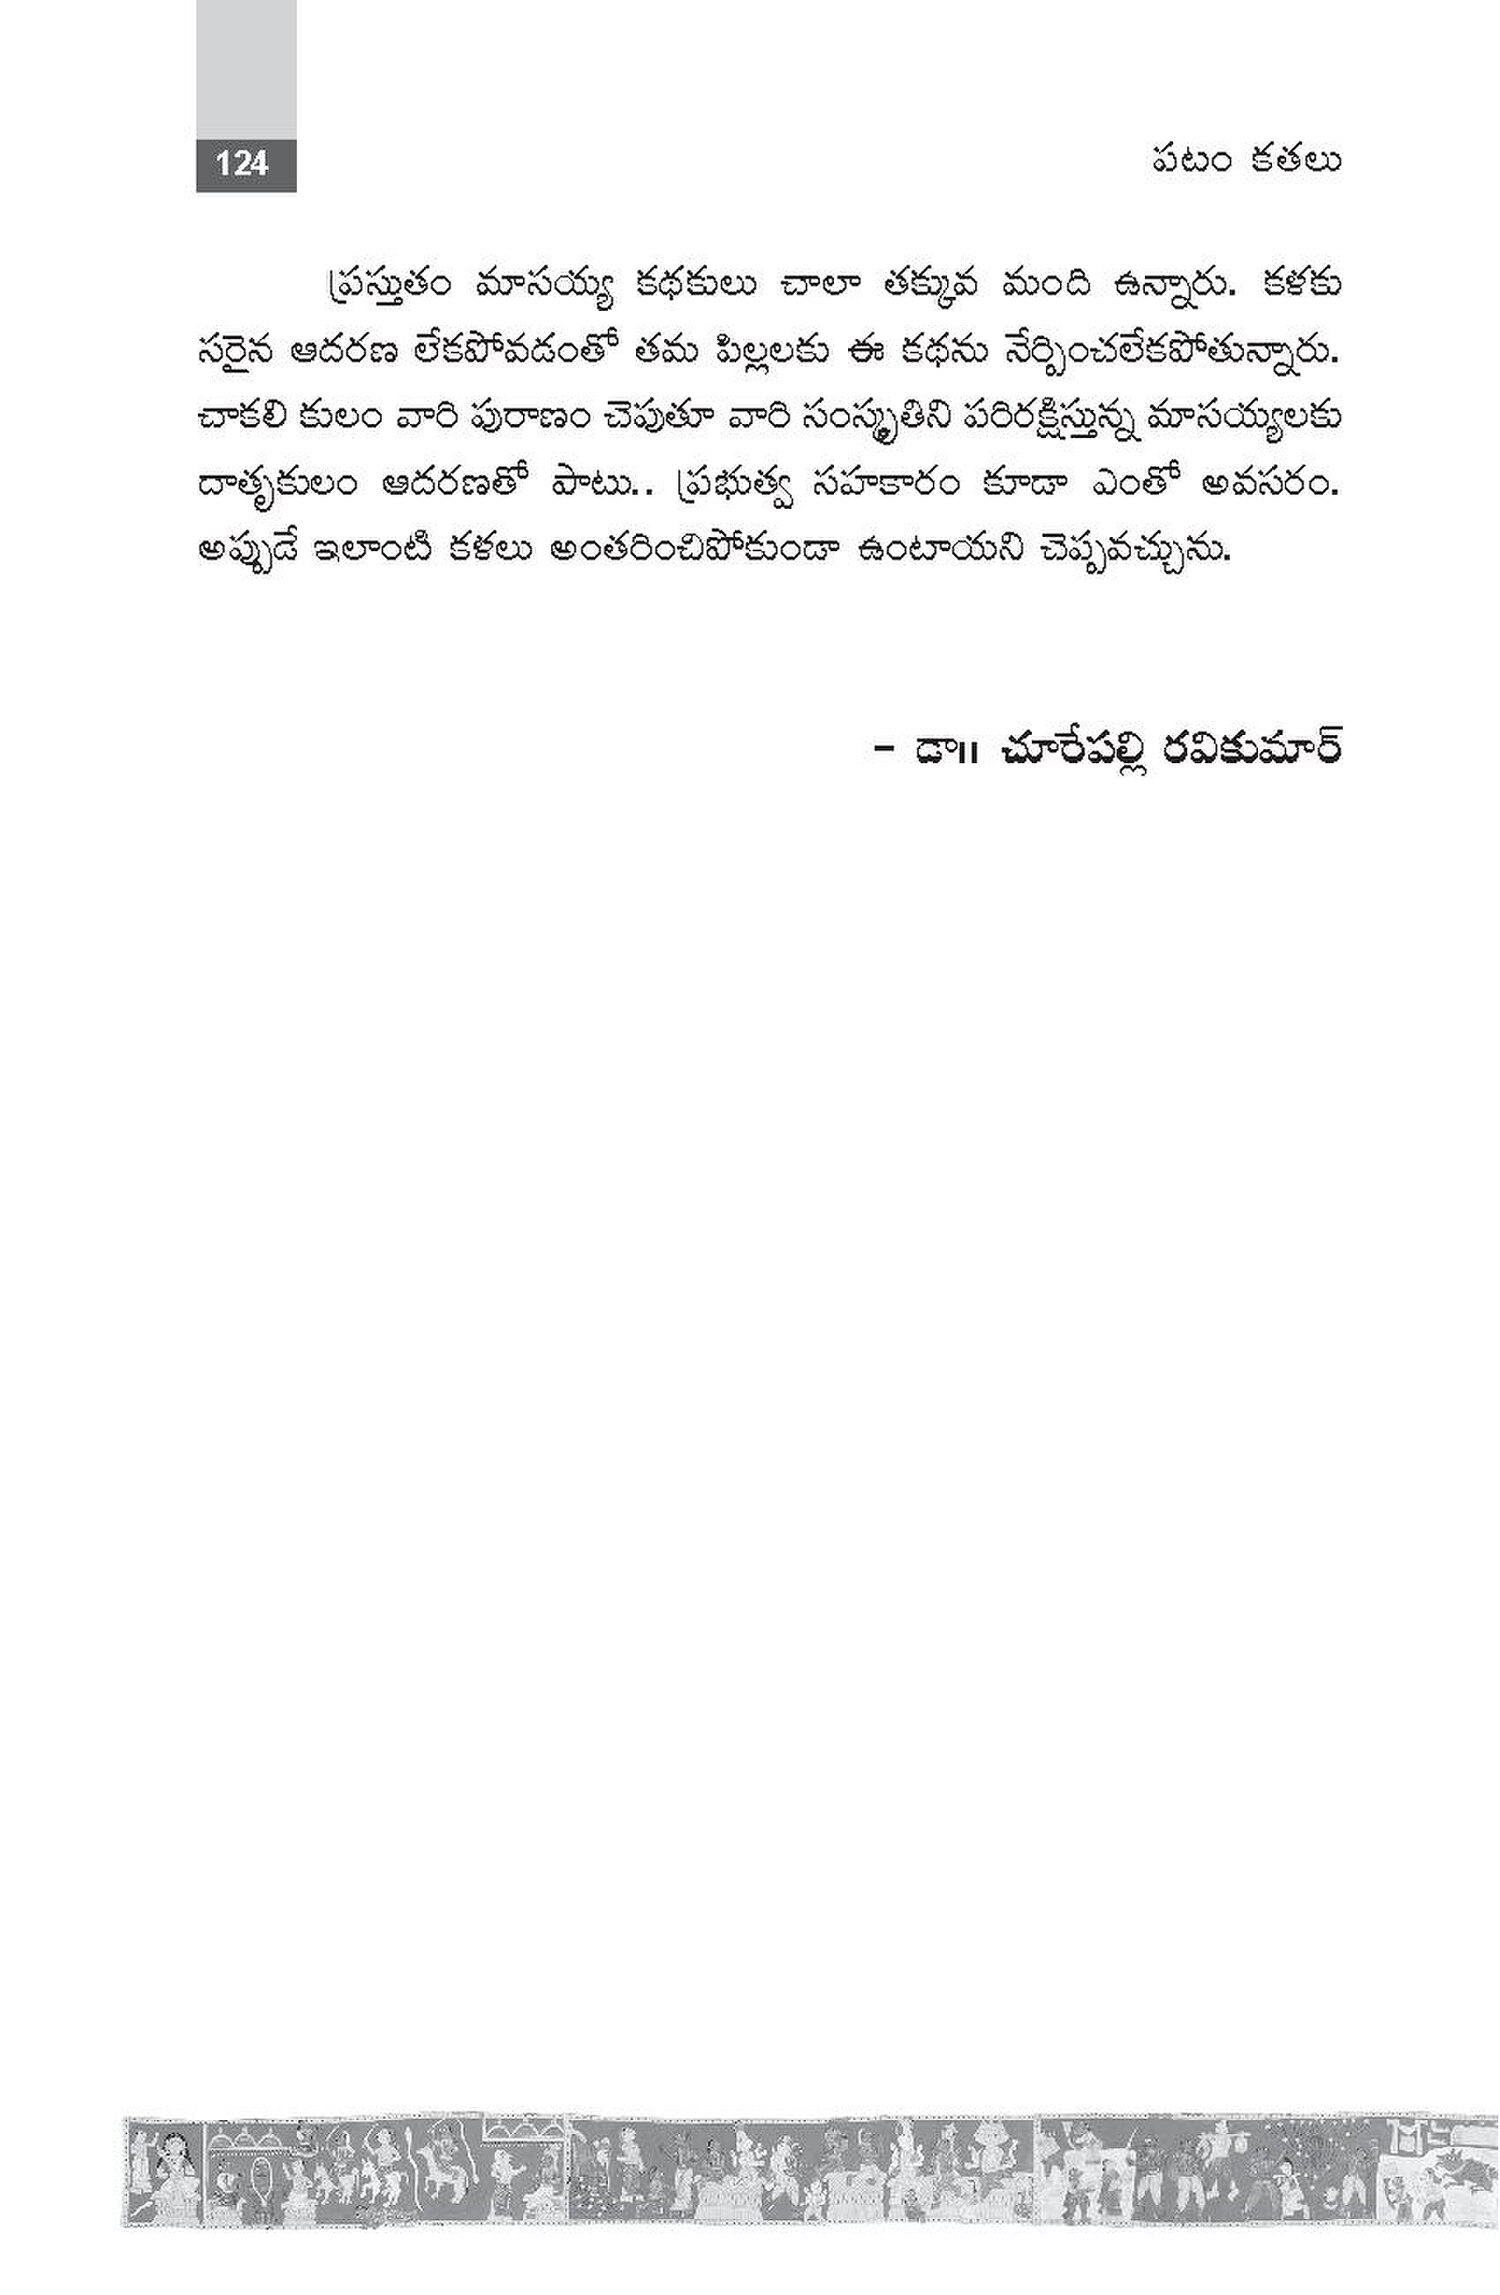ప్రస్తుతం మాసయ్య కథకులు చాలా తక్కువ మంది ఉన్నారు. కళకు సరైన ఆదరణ లేకపోవడంతో తమ పిల్లలకు ఈ కథను నేర్పించలేకపోతున్నారు. చాకలి కులం వారి పురాణం చెపుతూ వారి సంస్కృతిని పరిరక్షిస్తున్న మాసయ్యలకు
దాతృకులం ఆదరణతో పాటు.. ప్రభుత్వ సహకారం కూడా ఎంతో అవసరం. అప్పుడే ఇలాంటి కళలు అంతరించి పోకుండా ఉంటాయని చెప్పవచ్చును.